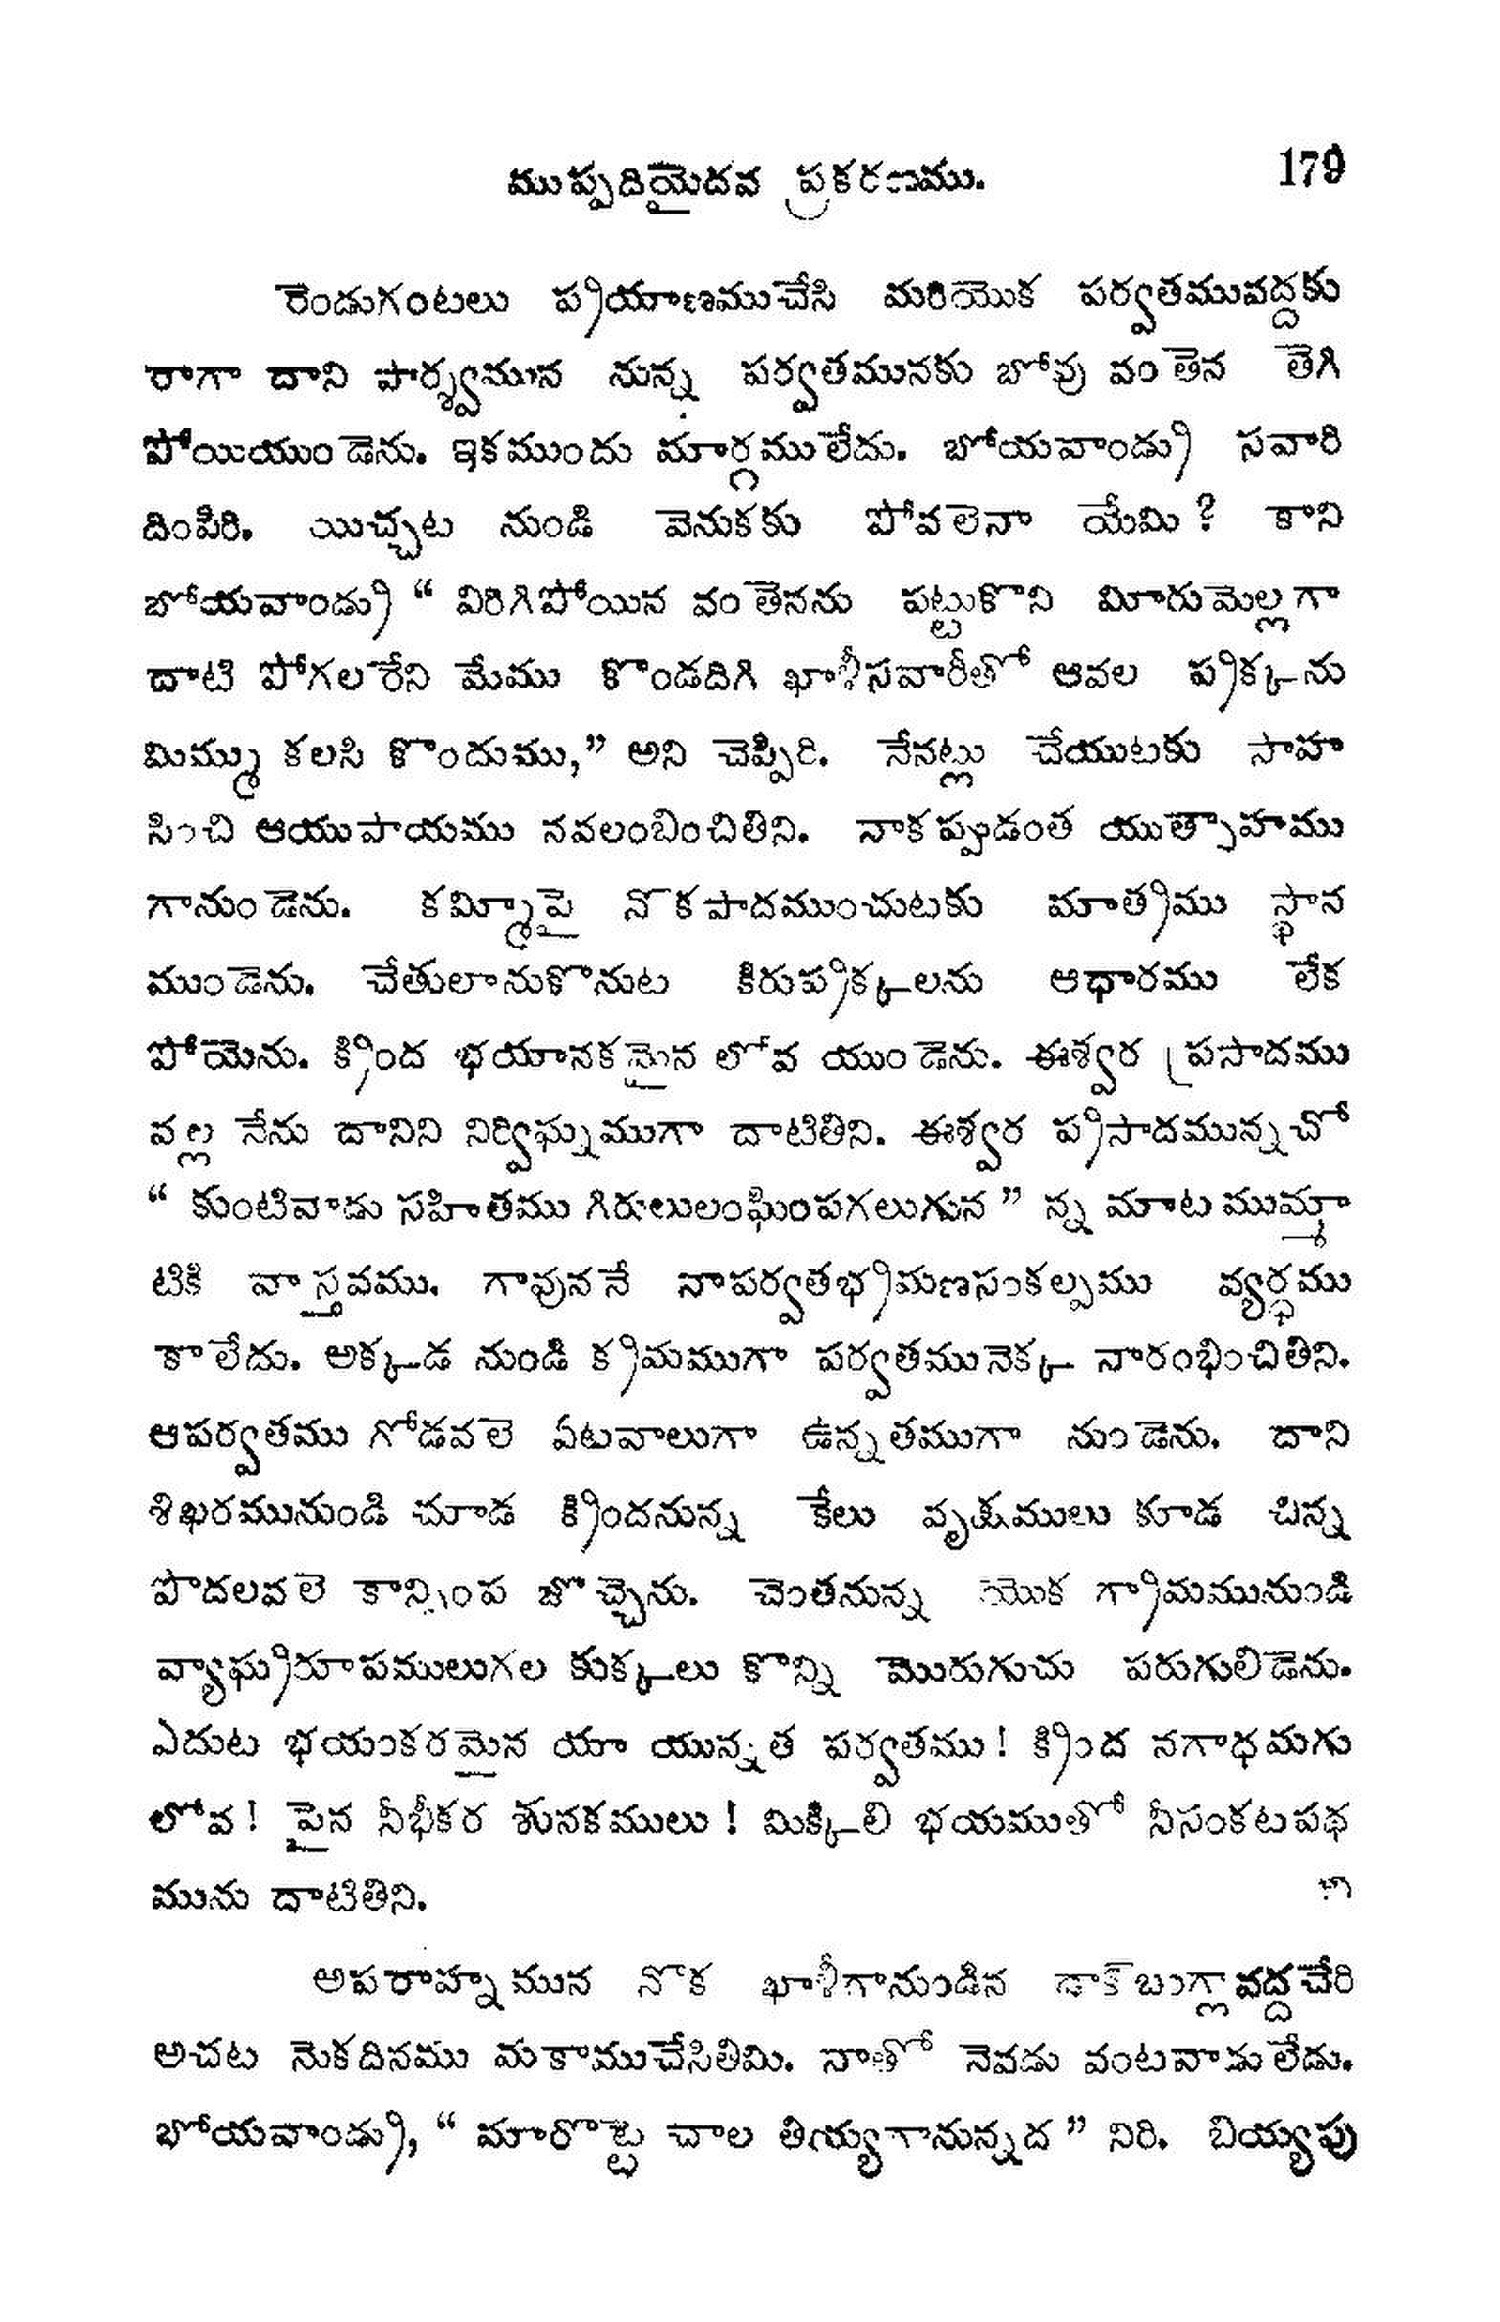రెండుగంటలు ప్రయాణము చేసి మరియొక పర్వతమువద్దకు
రాగా దాని పార్శ్వమున నున్న పర్వతమునకు బోవు వంతెన తెగి
పోయియుండెను. ఇకముందు మార్గము లేదు. బోయవాండ్రు సవారి
దింపిరి. యిచ్చట నుండి వెనుకకు పోవలెనా యేమీ?
బోయవాండ్రు " “ విరిగిపోయిన వం తెనను పట్టుకొని మీరు మెల్లగా
దాటి పోగలరేని మేము కొండదిగి ఖాళీ సవారీలో ఆవల ప్రక్కను
మిమ్ము కలసి కొందుము,” అని చెప్పిరి. నేనట్లు చేయుటకు సాహ
సించి ఆయుపాయము నవలంబించితిని. నాకప్పుడంత యుత్సాహము
గానుం డెను. కమ్మిపై నొకపాదముంచుటకు మాత్రము స్థాన
ముండెను. చేతులానుకొనుట కిరుప్రక్కలను ఆధారము లేక
పోయెను. కింద భయానక మైన లోయ యుండెను. ఈశ్వర ప్రసాదము
వల్ల నేను దానిని నిర్విఘ్నముగా దాటితిని. ఈశ్వర ప్రసాదమున్నచో
“ కుంటివాడు సహితము గిరులు లంఘింపగలుగున ” న్న మాట 
ముమ్మాటికి వాస్తవము. గావుననే హైపర్వత బ్రమణసంకల్పము వ్యర్ధము
కాలేదు. అక్కడ నుండి క్రమముగా పర్వతము నెక్క నారంభించితిని.
ఆ పర్వతము గోడవలె ఏటవాలుగా ఉన్నతముగా నుండెను. దాని
శిఖరమునుండి చూడ క్రిందనున్న కేలు వృక్షములు కూడ చిన్న
పొదలవలె కాన్సింప జొచ్చెను. చెంతనున్న యొక గ్రామమునుండి
వ్యాఘ్రరూపములుగల కుక్కలు కొన్ని మొరుగుచు పరుగులిడెను.
ఎదుట భయంకరమైన యా యున్నత పర్వతము ! క్రింద నగాధమగు
లోవ ! పైన నీభీకర శునకములు ! మిక్కిలి భయముతో నీసంకట
పథమును దాటితిని.

అపర్ణాహ్నమున నొక ఖాళీగానుండిన డాక్ బుగ్లా వద్ద చేరి
అచట ఒక దినము మకాము చేసితిమి. నాతో నెవడు వంటవాడు లేడు.
బోయవాండ్రు “ మారొట్టె చాల తీయ్యు కానున్నద ” నిరి. బియ్యపు